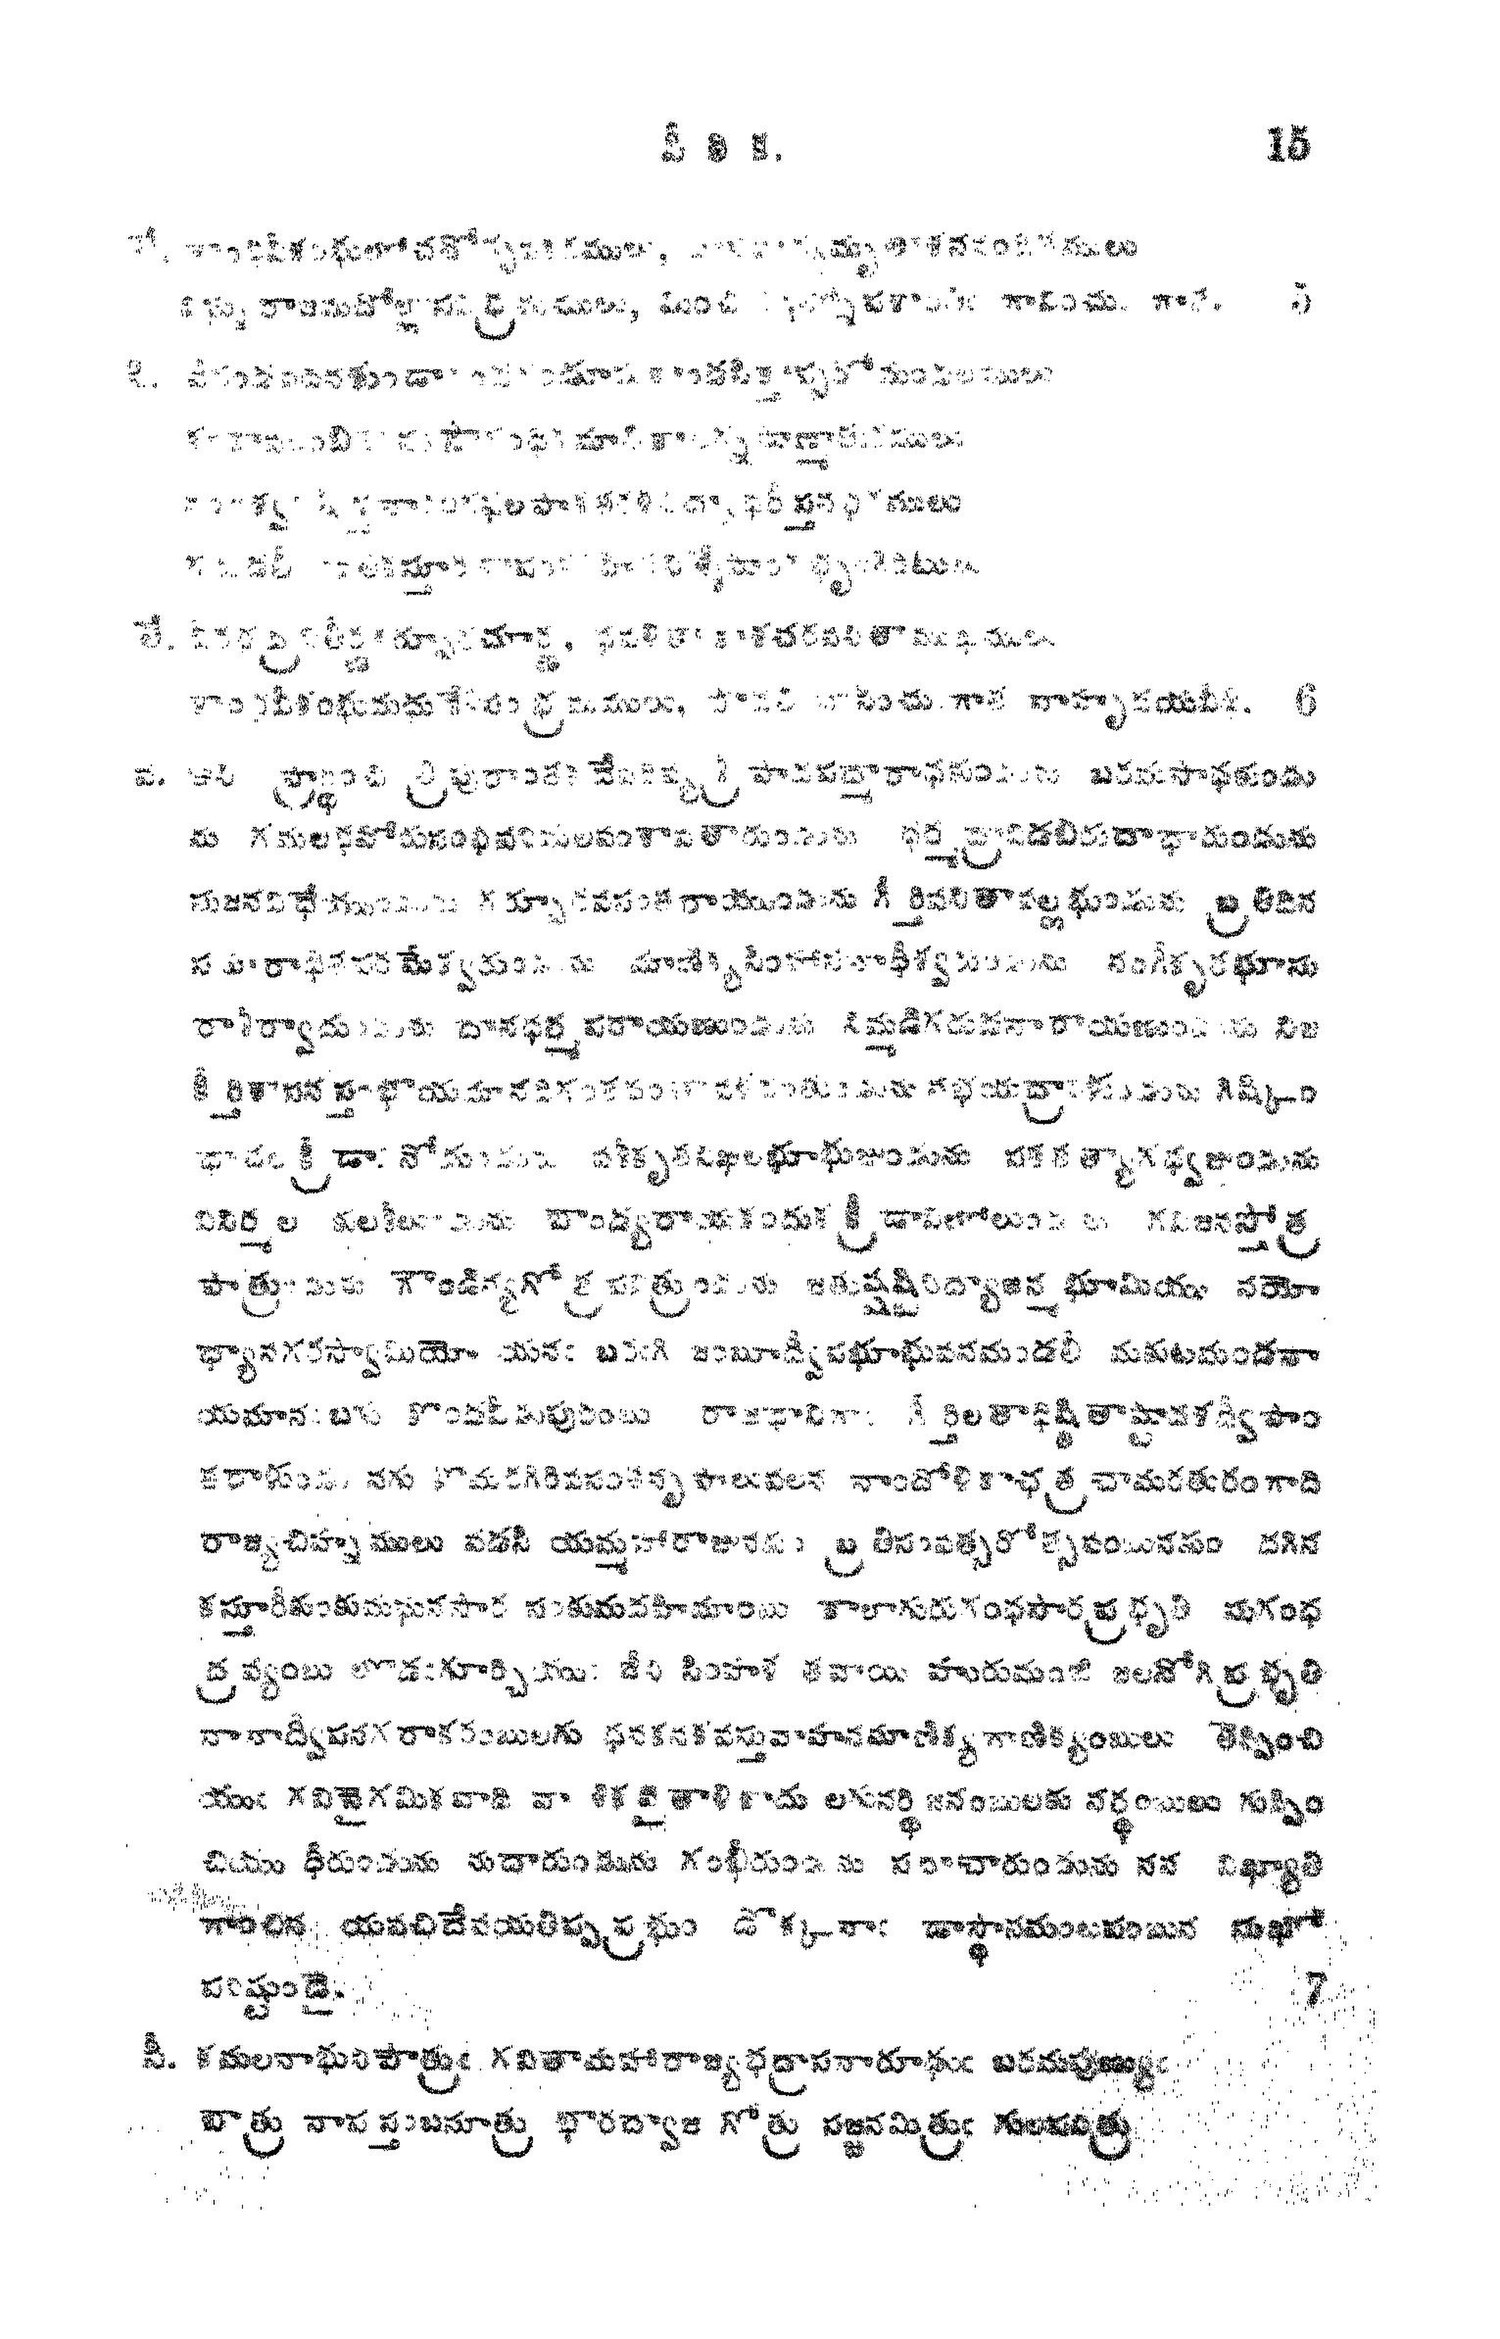తే. శాంభవీశంభులోచనోత్సవకరములు
వాసవాద్యమృతాశనవందితములు
విఘ్నరాజ మదోల్లాసవిభ్రమములు
మించి విఘ్నోపశాంతిఁ గావించుఁ గాత. 5

సీ. వేదండవదనశుండాదండగండూష
కాండసిక్తాప్సరోమండలములు
గంధర్వకన్యకాకనకసౌగంధిక
మాలికాలగ్నషాణ్మాతురములు
నందీశ్వరక్షిప్తనారంగఫలపాక
తరళవిద్యాధరీస్తనభరములు
గరుడలీలావతీకస్తూరికాపంక
పిహితనిశ్శేషాంగభృంగిరిటులు

తే. వీరభద్రవికీర్ణకర్పూరచూర్ణ
ధవళితాకాశచరవనితాముఖములు
శాంభవీశంభుమధుకేళిసంభ్రమములు
పొదలి వాసించుఁ గాత నా హృదయవీథి. 6

వ. అని ప్రార్థించి త్రిపురాంతకదేవదివ్యశ్రీపాదపద్మారాధకుండును, బరమసాధకుండును, గమలభవోరుప్రదేశసంభవవిమలవంశావతారుండును, ధర్మద్రావిడబిరుదాధారుండును, సుజనవిధేయుండును, గర్పూరవసంతరాయండును, గీర్తివనితావల్లభుండును, బ్రతిదినసమారాధితపరమేశ్వరుండును, మాణిక్యసింహాసనాధీశ్వరుండును, నంగీకృతభూసురాశీర్వాదుండును, దానధర్మపరాయణుండును, నిమ్మడి గరుడనారాయణుండును, నిజకీర్తిశాసనస్తంభాయమానదిగంతదంతావళదంతుండును, నుభయద్రావిళుండును, గిష్కింధాచలక్రీడావినోదుండును, వశీకృతనిఖిలభూభుజుండును, సతతత్యాగధ్వజుండును, వినిర్మలకులశీలుండును, బాండ్యరాయకందుకక్రీడావిలోలుండును, గవిజనస్తోత్రపాత్రుండును, గౌండిన్యగోత్రపవిత్రుండును, జతుష్షష్టివిద్యాజన్మభూమియు, నయోధ్యానగరస్వామియో యనఁ బరఁగి జంబూద్వీపభూభువనమండలీమకుటమండనాయమానం బగు కొండవీడుపురంబు రాజధానిగాఁ గీర్తిలతాధిష్ఠితాష్టాదశద్వీపాంతరాళుండగు కొమరగిరి వసంతనృపాలువలన నాందోళికాచ్ఛత్రచామరతురంగాది రాజచిహ్నములు వడసి యమ్మహారాజునకుం బ్రతివత్సరంబును సంవత్సరోత్సవంబునకుం దగిన కస్తూరీకుంకుమఘనసారసంకుమదహిమాంబుకాలాగురుగంధసారప్రభృతి సుగంధద్రవ్యంబు లొడఁగూర్చియుఁ, జీని సింహళ తవాయి హురుముంజి జోణంగి ప్రభృతి నానాద్వీపనగరాకరంబులగు ధనకనకవస్తువాహనమాణిక్యగాణిక్యంబులు తెప్పించియుఁ, గవి గమకి వాది వాంశిక వైతాళికాదులగు నర్థిజనంబులకు నర్థంబులు గుప్పించియు, ధీరుండును నుదారుండును గంభీరుండును సదాచారుండును నన విఖ్యాతి గాంచిన యవచి తిప్పప్రభుం డొక్కనాఁ డాస్థానమండపంబున సుఖోపవిష్టుండై. 7

సీ. కమలనాభుని పౌత్రుఁ, గవితామహారాజ్య
భద్రాసనారూఢుఁ, బరమపుణ్యుఁ,
బాత్రు, నాపస్తంబసూత్రు, భారద్వాజ
గోత్రు, సజ్జనమిత్రుఁ, గులపవిత్రు,